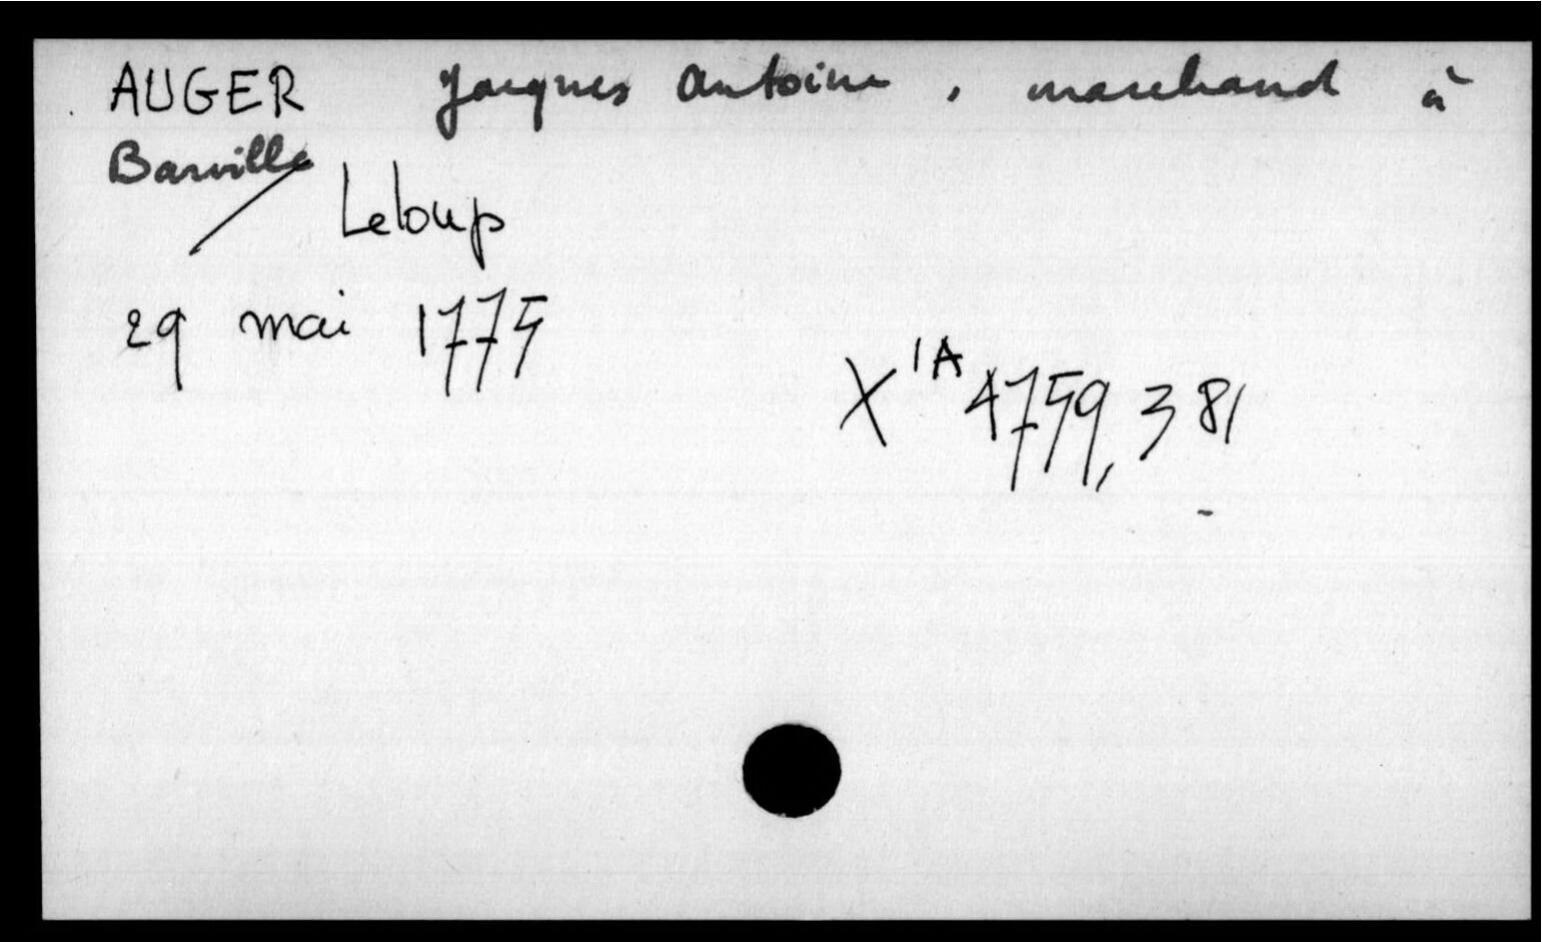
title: AUGER Jacques antoine, meuhend à Barville
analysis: Contre Leloup
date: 29 mai 1775
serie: X1A
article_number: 4759
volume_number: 381
